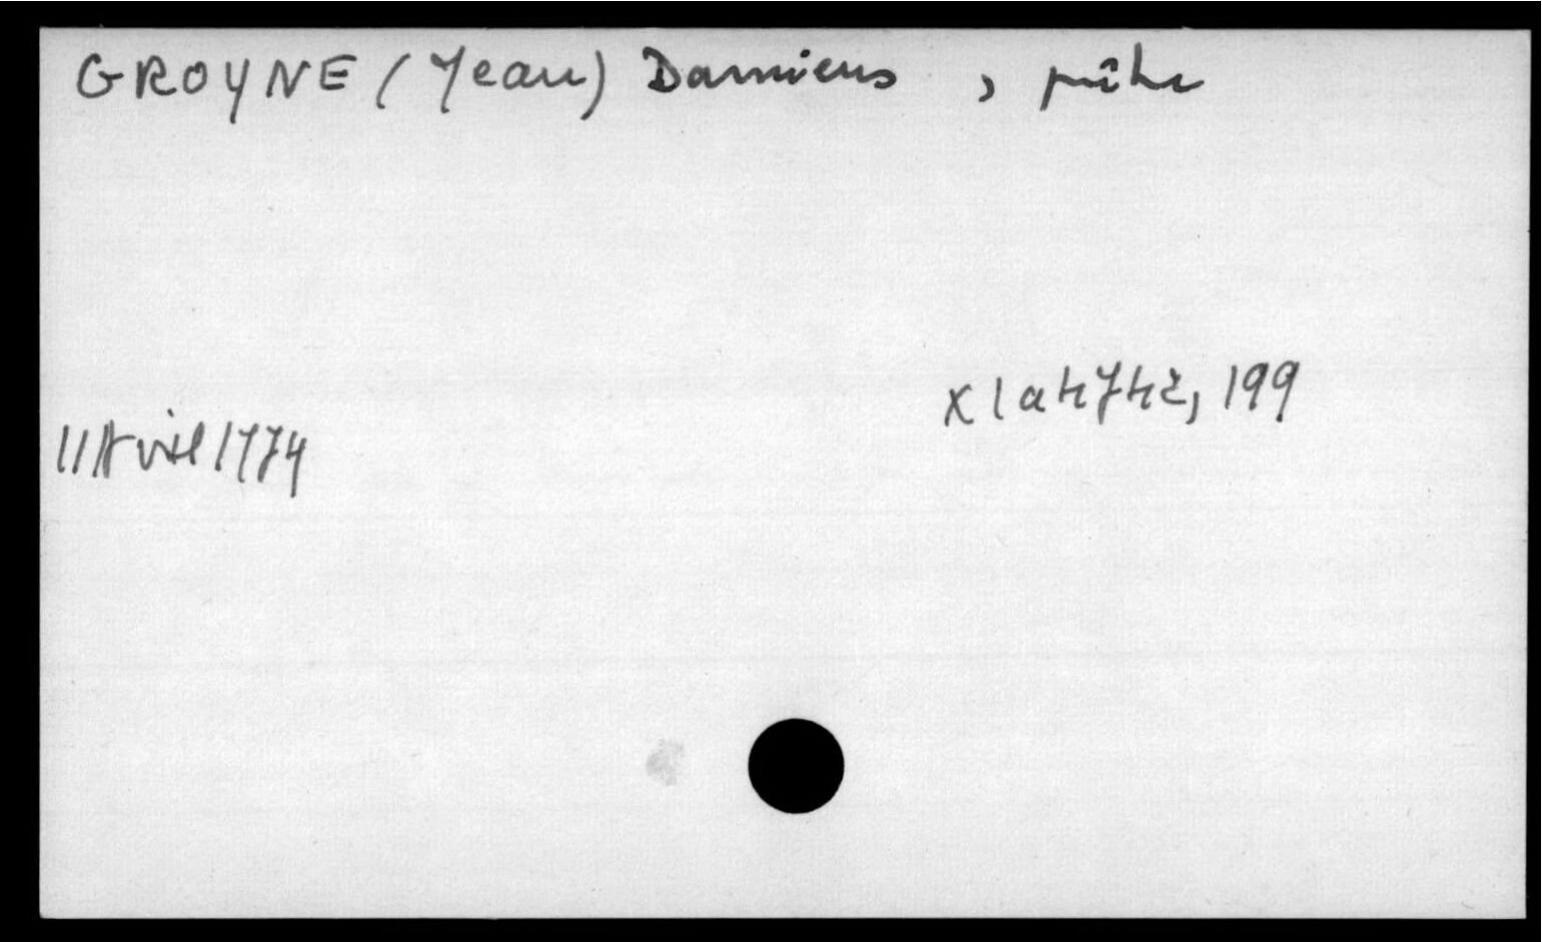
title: GROYNE (Jean) Damiens, prêtre
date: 11 avril 1774
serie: X1a
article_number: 4742
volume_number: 199
